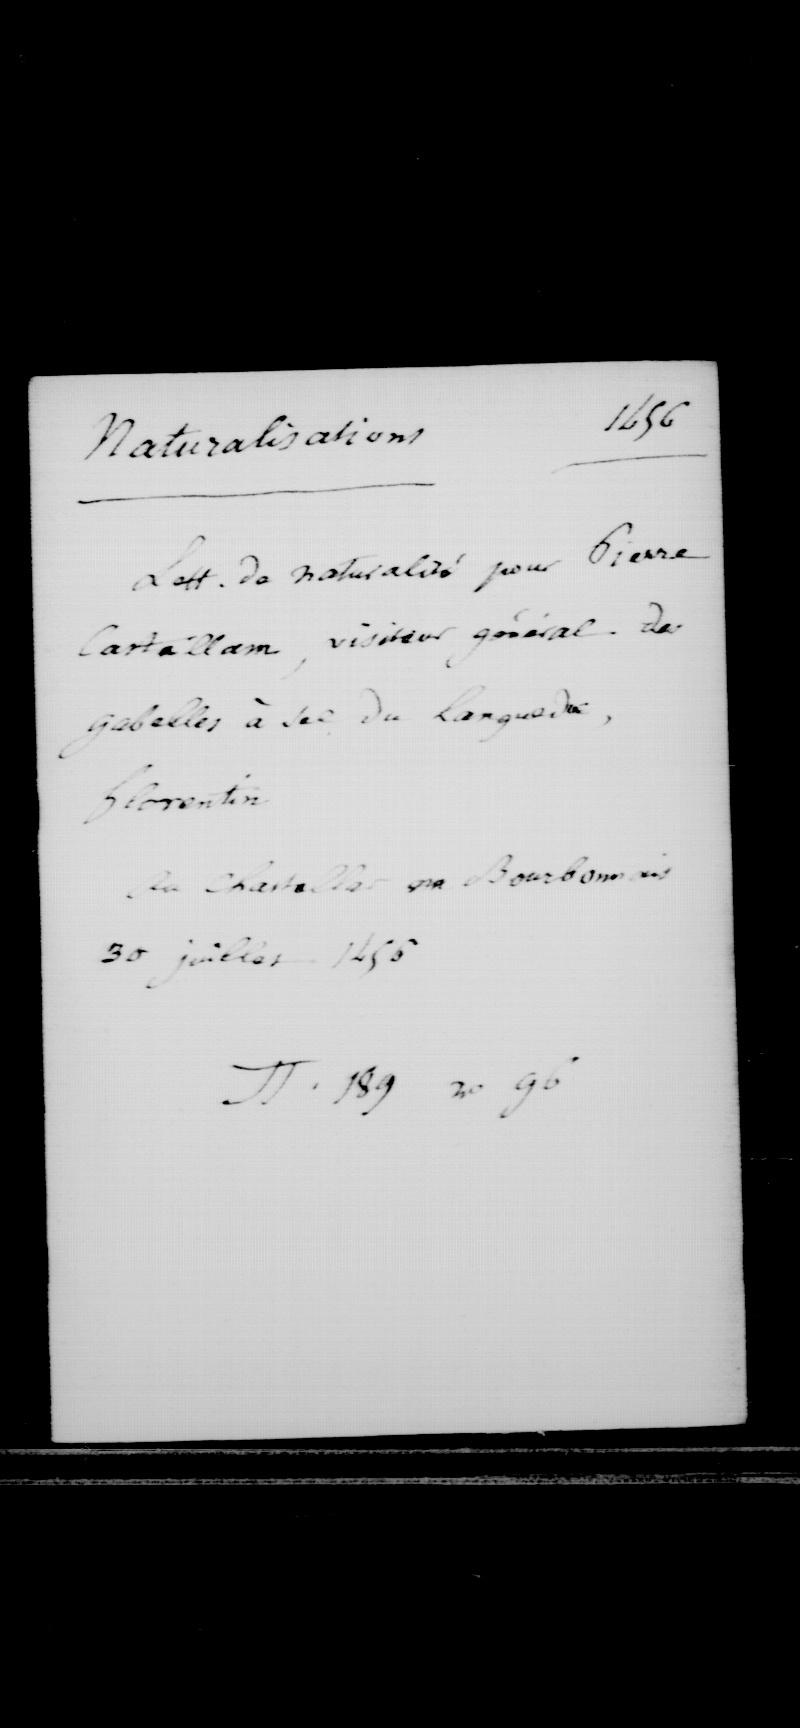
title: Naturalisations
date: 1456
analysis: Lett. de naturalité pour Pierre Cartaillam, visiteur général des gabelles à sel du Languedoc, florentin Au Chatellar en Bourbonnais
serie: JJ
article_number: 189
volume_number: n° 96
